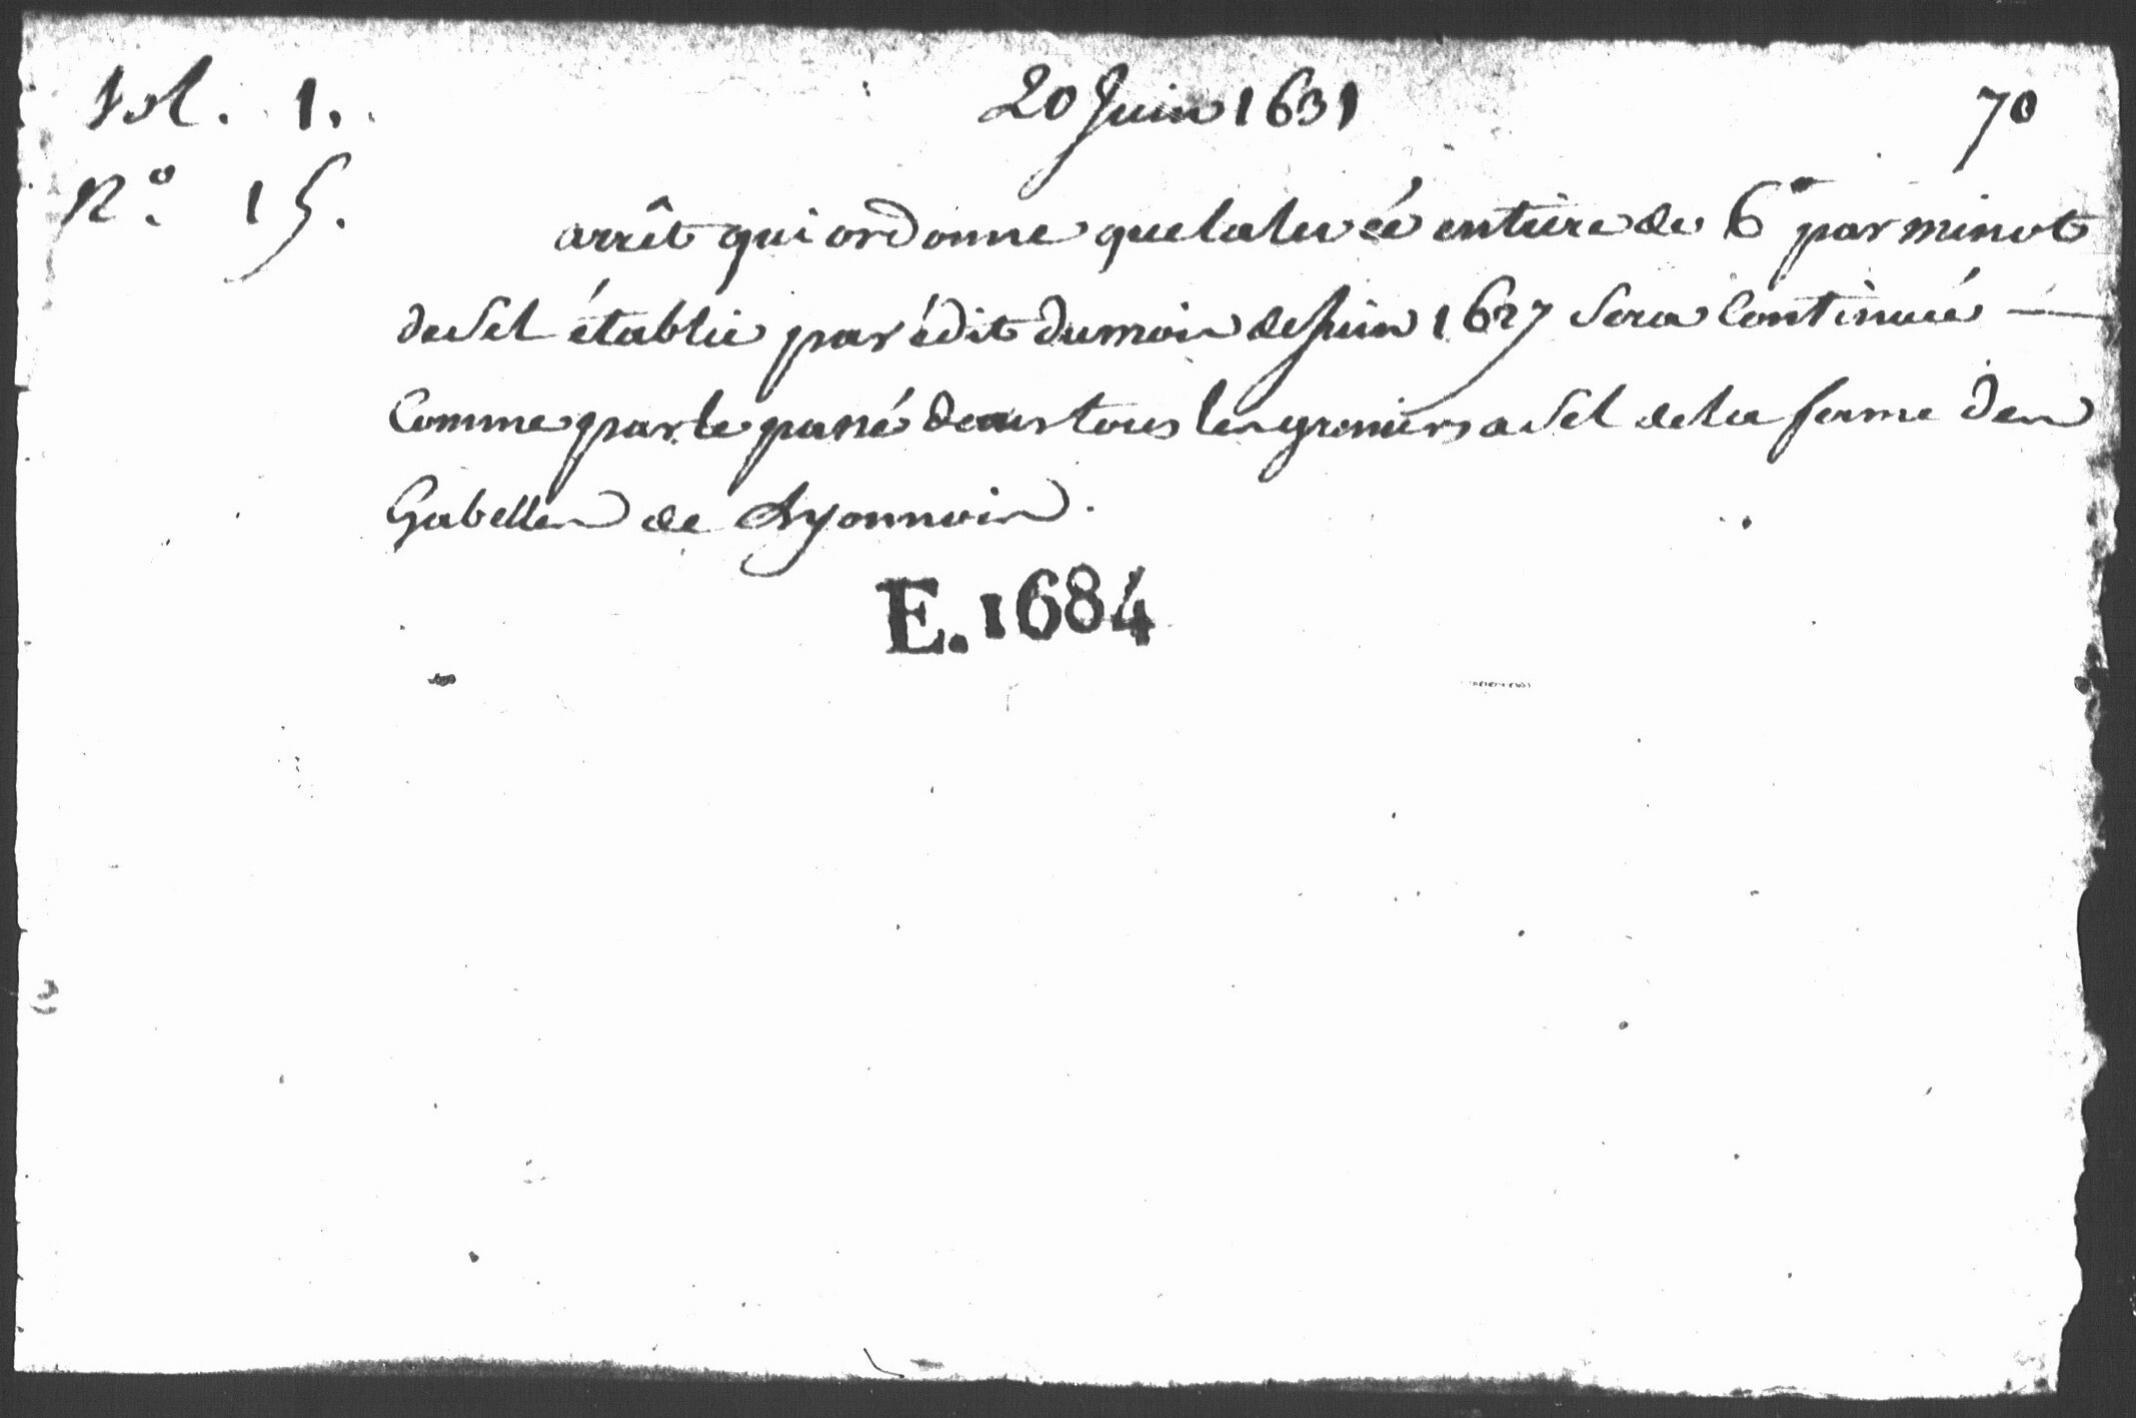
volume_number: n°15
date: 20 juin 1631
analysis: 70
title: arrêt qui ordonne que la levée entière de 6 # par minot de sel établie par édit du mois de juin 1627 sera continuée comme par le passé dans tous les greniers a sel de la ferme des gabelles du Lyonnois.
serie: E
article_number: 1684
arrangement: vol. 1
